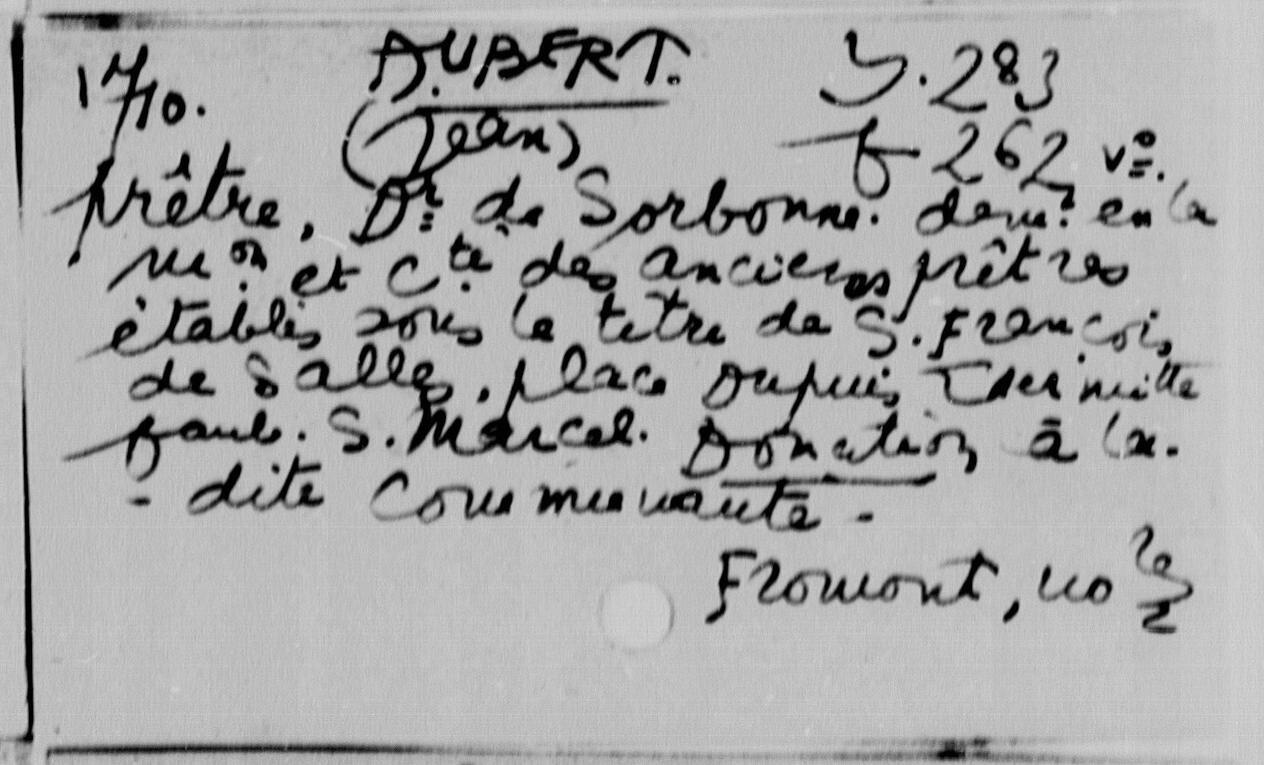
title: AUBERT (Jean)
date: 1710
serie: Y
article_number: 283
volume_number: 262v
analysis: Prêtre, docteur de Sorbonne, demeurant en la maison et communauté des anciens prêtres établis sous le titre de Saint-François de Salles, place Dupuis Lhermitte, faubourg Saint-Marcel. Donation à ladite communauté. Fromont, notaire.
